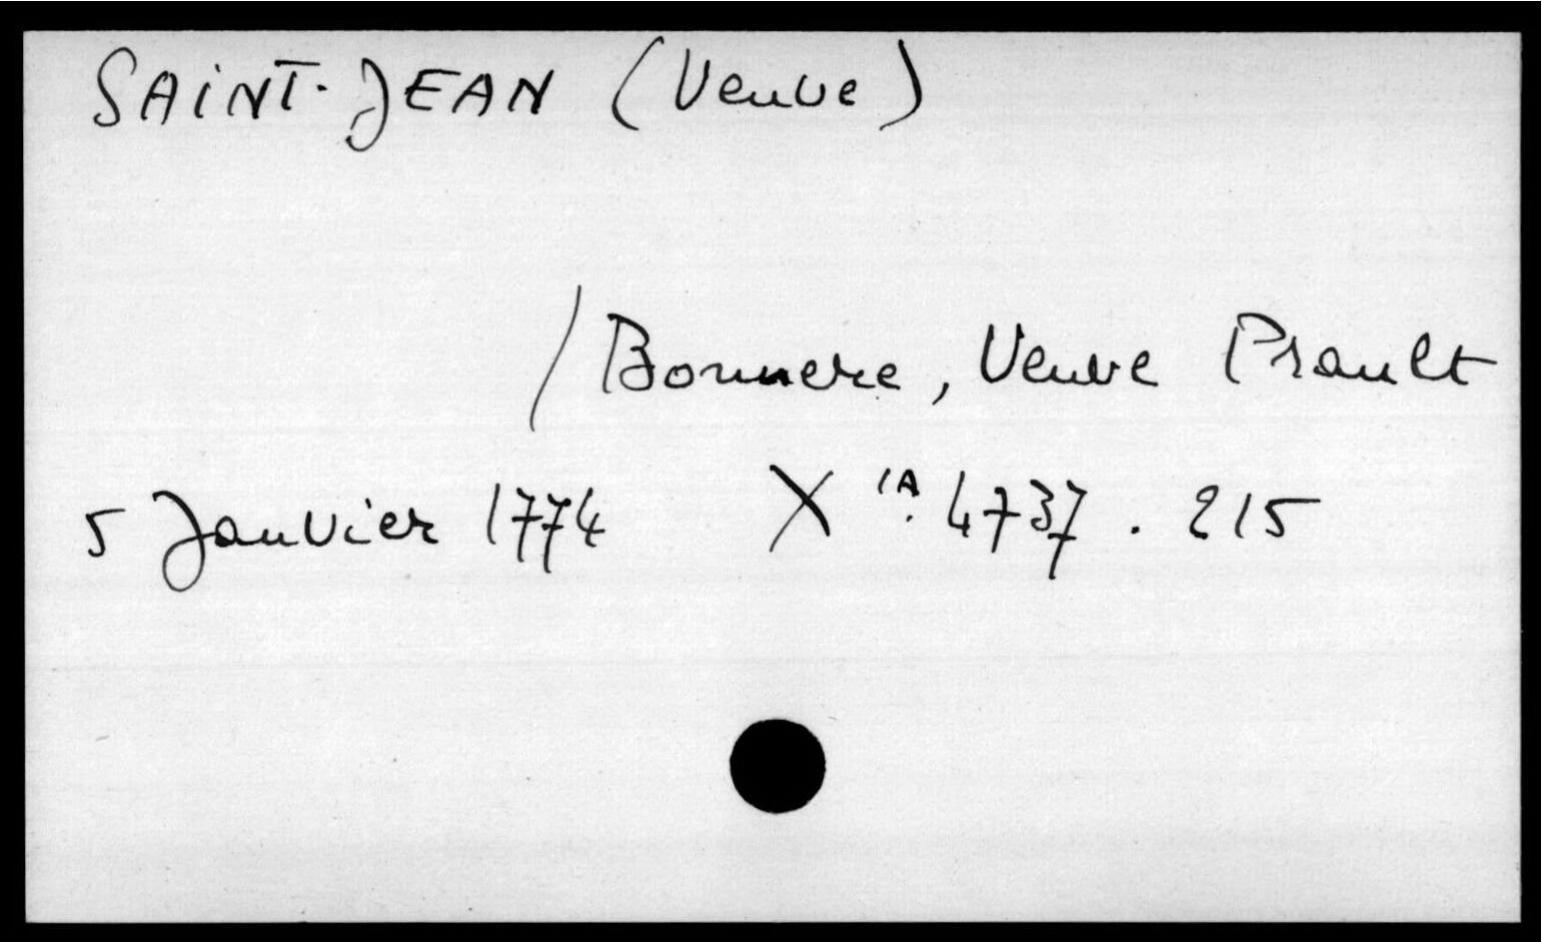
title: SAINT-JEAN (Veuve)
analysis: Contre Bonmere, Veuve Prault
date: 5 janvier 1774
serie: X1A
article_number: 4737
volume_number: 215
